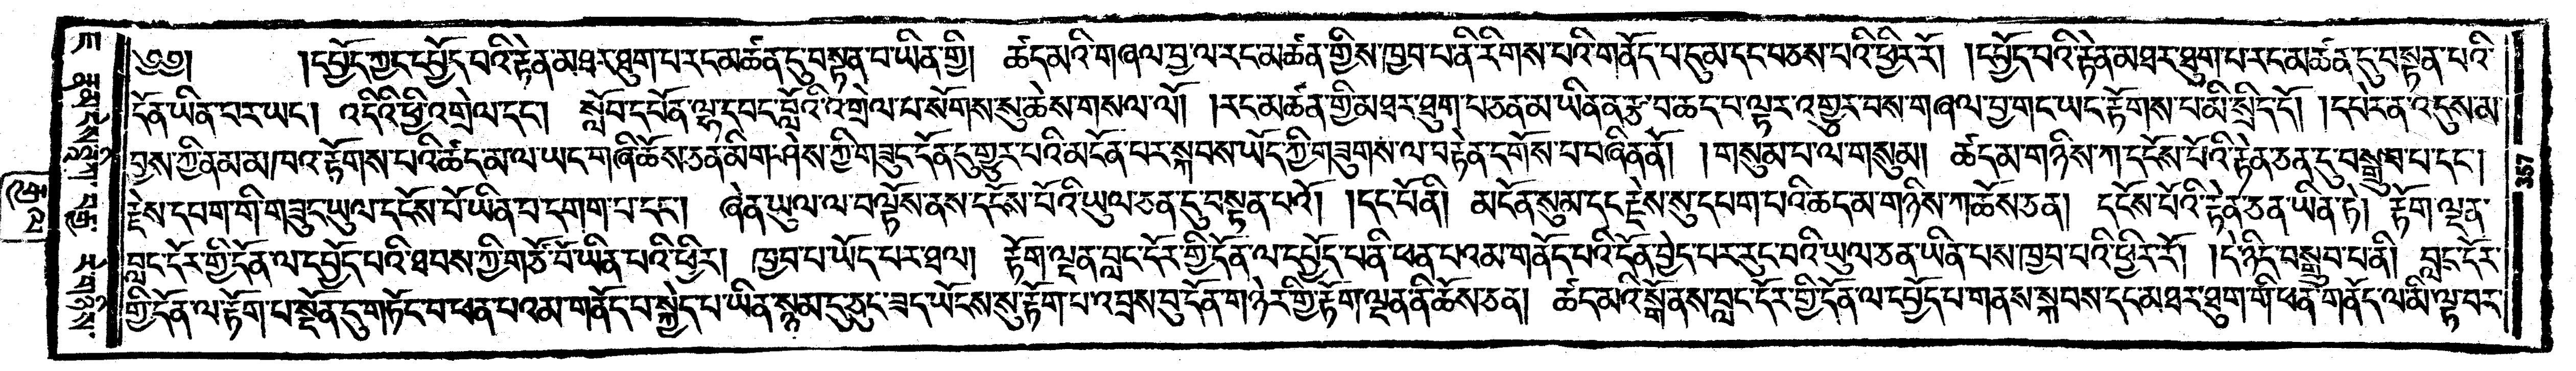༄༅། །དཔྱོད་ཀྱང་དཔྱོད་པའི་རྟེན་མཐར་ཐུག་པ་རང་མཚན་དུ་བསྟན་པ་ཡིན་གྱི། ཚད་མའི་གཞལ་བྱ་ལ་རང་མཚན་གྱིས་ཁྱབ་པ་ནི་རིགས་པའི་གནོད་པ་དུ་མ་དང་བཅས་པའི་ཕྱིར་རོ། །དཔྱོད་པའི་རྟེན་མཐར་ཐུག་པ་རང་མཚན་དུ་བསྟན་པའི་
དོན་ཡིན་པར་ཡང་། འདིའི་ཕྱི་འགྲེལ་དང་། སློབ་དཔོན་ལྷ་དབང་བློའི་འགྲེལ་པ་སོགས་སུ་ཆེས་གསལ་ལོ། །རང་མཚན་གྱི་མཐར་ཐུག་པ་ཅན་མ་ཡིན་ན་རྩ་བ་ཆད་པ་ལྟར་འགྱུར་བས་གཞལ་བྱ་གང་ཡང་རྟོགས་པ་མི་སྲིད་དོ། །དཔེར་ན་འདུས་མ་
བྱས་ཀྱི་ནམ་མཁའ་རྟོགས་པའི་ཚད་མ་ལ་ཡང་གཞི་ཆོས་ཅན་མིག་ཤེས་ཀྱི་གཟུང་དོན་དུ་གྱུར་པའི་མངོན་པར་སྐབས་ཡོད་ཀྱི་གཟུགས་ལ་བརྟེན་དགོས་པ་བཞིན་ནོ། །གསུམ་པ་ལ་གསུམ། ཚད་མ་གཉིས་ཀ་དངོས་པོའི་རྟེན་ཅན་དུ་བསྒྲུབ་པ་དང་།
རྗེས་དཔག་གི་གཟུང་ཡུལ་དངོས་པོ་ཡིན་པ་དགག་པ་དང་། ཞེན་ཡུལ་ལ་བལྟོས་ནས་དངོས་པོའི་ཡུལ་ཅན་དུ་བསྟན་པའོ། །དང་པོ་ནི། མངོན་སུམ་དང་རྗེས་སུ་དཔག་པའི་ཚད་མ་གཉིས་ཀ་ཆོས་ཅན། དངོས་པོའི་རྟེན་ཅན་ཡིན་ཏེ། རྟོག་ལྡན་
བླང་དོར་གྱི་དོན་ལ་དཔྱོད་པའི་ཐབས་ཀྱི་གཙོ་བོ་ཡིན་པའི་ཕྱིར། ཁྱབ་པ་ཡོད་པར་ཐལ། རྟོག་ལྡན་བླང་དོར་གྱི་དོན་ལ་དཔྱོད་པ་ནི་ཕན་པའམ་གནོད་པའི་དོན་བྱེད་པར་རུང་བའི་ཡུལ་ཅན་ཡིན་པས་ཁྱབ་པའི་ཕྱིར་རོ། །དེ་ཉིད་བསྒྲུབ་པ་ནི། བླང་དོར་
གྱི་དོན་ལ་རྟོག་པ་སྔོན་དུ་གཏོང་བ་ཕན་པའམ་གནོད་པ་སྐྱེད་པ་ཡིན་སྙམ་དུ་ཅུང་ཟད་ཡོངས་སུ་རྟོག་པ་འབྲས་བུ་དོན་གཉེར་གྱི་རྟོག་ལྡན་ནི་ཆོས་ཅན། ཚད་མའི་སྒོ་ནས་བླང་དོར་གྱི་དོན་ལ་དཔྱོད་པ་གནས་སྐབས་དང་མཐར་ཐུག་གི་ཕན་གནོད་ལ་མི་ལྟ་བར་